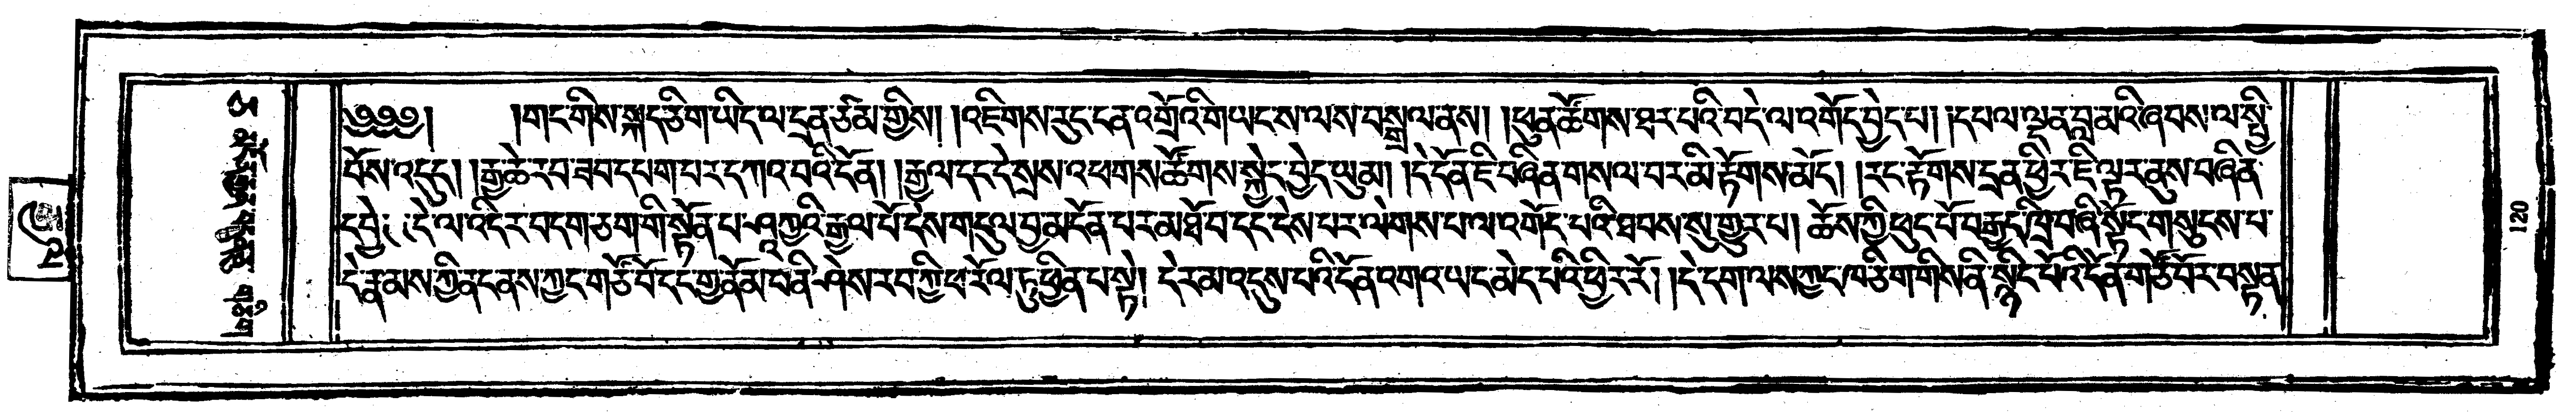གང་གིས་སྐད་ཅིག་ཡིད་ལ་དྲན་ཙམ་གྱིས། །འཇིགས་རུང་ངན་འགྲོའི་གཡང་ས་ལས་བསྒྲལ་ནས། །ཕུན་ཚོགས་ཐར་པའི་བདེ་ལ་འགོད་བྱེད་པ། །དཔལ་ལྡན་བླ་མའི་ཞབས་ལ་སྤྱི་
བོས་འདུད། །རྒྱ་ཆེ་རབ་ཟབ་དཔག་པར་དཀའ་བའི་དོན། །རྒྱལ་དང་དེ་སྲས་འཕགས་ཚོགས་སྐྱེད་བྱེད་ཡུམ། །དེ་དོན་ཇི་བཞིན་གསལ་བར་མི་རྟོགས་མོད། །རང་རྟོགས་དྲན་ཕྱིར་ཇི་ལྟར་ནུས་བཞིན་
དབྱེ། །དེ་ལ་འདིར་བདག་ཅག་གི་སྟོན་པ་ཤཱཀྱའི་རྒྱལ་པོ་དེས་གདུལ་བྱ་མངོན་པར་མཐོ་བ་དང་ངེས་པར་ལེགས་པ་ལ་འགོད་པའི་ཐབས་སུ་གྱུར་པ། ཆོས་ཀྱི་ཕུང་པོ་བརྒྱད་ཁྲི་བཞི་སྟོང་གསུངས་པ་
དེ་རྣམས་ཀྱི་ནང་ནས་ཀྱང་གཙོ་བོ་དང་གྱ་ནོམ་པ་ནི་ཤེས་རབ་ཀྱི་ཕ་རོལ་ཏུ་ཕྱིན་པ་སྟེ། དེར་མ་འདུས་པའི་དོན་འགའ་ཡང་མེད་པའི་ཕྱིར་རོ། །དེ་དག་ལས་ཀྱང་ཁ་ཅིག་གིས་ནི་སྙིང་པོའི་དོན་གཙོ་བོར་བསྟན་